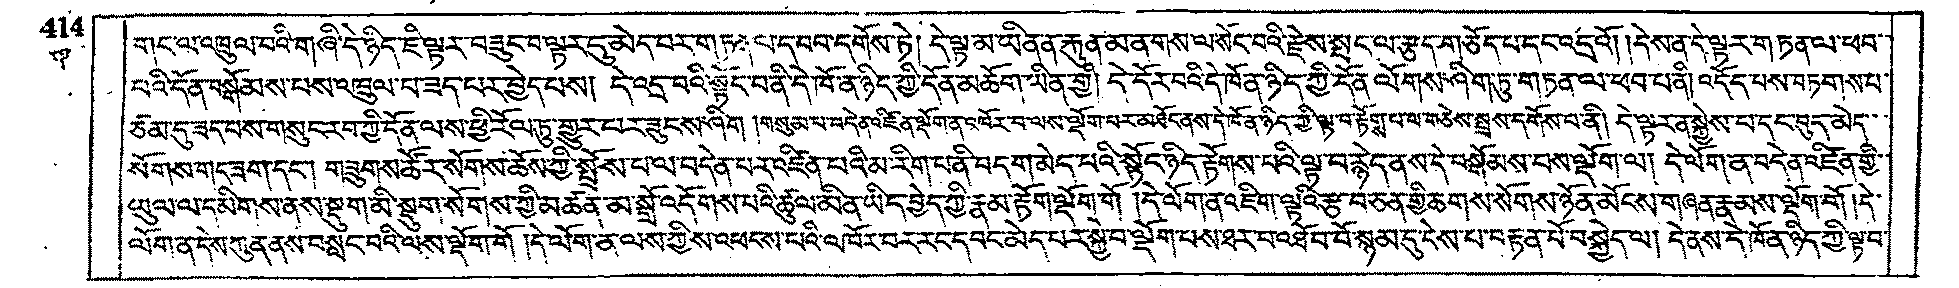གང་ལ་འཁྲུལ་བའི་གཞི་དེ་ཉིད་ཇི་ལྟར་བཟུང་བ་ལྟར་དུ་མེད་པར་གཏན་ལ་དབབ་དགོས་ཏེ། དེ་ལྟ་མ་ཡིན་ན་རྐུན་མ་ནགས་ལ་སོང་བའི་རྗེས་སྤང་ལ་རྩད་གཅོད་པ་དང་འདྲའོ། །དེས་ན་དེ་ལྟར་གཏན་ལ་ཕབ་
པའི་དོན་བསྒོམས་པས་འཁྲུལ་པ་ཟད་པར་བྱེད་པས། དེ་འདྲ་བའི་སྟོང་པ་ནི་དེ་ཁོ་ན་ཉིད་ཀྱི་དོན་མཆོག་ཡིན་གྱི། དེ་དོར་བའི་དེ་ཁོ་ན་ཉིད་ཀྱི་དོན་ལོགས་ཤིག་ཏུ་གཏན་ལ་ཕབ་པ་ནི། འདོད་པས་བཏགས་པ་
ཙམ་དུ་ཟད་པས་གསུང་རབ་ཀྱི་དོན་ལས་ཕྱི་རོལ་ཏུ་གྱུར་པར་ཟུངས་ཤིག་།གསུམ་པ་བདེན་འཛིན་ལྡོག་ན་འཁོར་བ་ལས་ལྡོག་པར་མཐོང་ནས་དེ་ཁོ་ན་ཉིད་ཀྱི་ལྟ་བ་རྟོགས་པ་ལ་གཅེས་སྤྲས་དགོས་པ་ནི།  དེ་ལྟར་ན་སྐྱེས་པ་དང་བུད་མེད་
སོགས་གང་ཟག་དང་། གཟུགས་ཚོར་སོགས་ཆོས་ཀྱི་སྤྲོས་པ་ལ་བདེན་པར་འཛིན་པའི་མ་རིག་པ་ནི་བདག་མེད་པའི་སྟོང་ཉིད་རྟོགས་པའི་ལྟ་བ་རྙེད་ནས་དེ་བསྒོམས་པས་ལྡོག་ལ། དེ་ལོག་ན་བདེན་འཛིན་གྱི་
ཡུལ་ལ་དམིགས་ནས་སྡུག་མི་སྡུག་སོགས་ཀྱི་མཚན་མ་སྒྲོ་འདོགས་པའི་ཚུལ་མིན་ཡིད་བྱེད་ཀྱི་རྣམ་རྟོག་ལྡོག་གོ །དེ་ལོག་ན་འཇིག་ལྟའི་རྩ་བ་ཅན་གྱི་ཆགས་སོགས་ཉོན་མོངས་གཞན་རྣམས་ལྡོག་གོ །དེ་
ལོག་ན་དེས་ཀུན་ནས་བསླང་བའི་ལས་ལྡོག་གོ །དེ་ལོག་ན་ལས་ཀྱིས་འཕངས་པའི་འཁོར་བར་རང་དབང་མེད་པར་སྐྱེ་བ་ལྡོག་པས་ཐར་པ་འཐོབ་བོ་སྙམ་དུ་ངེས་པ་བརྟན་པོ་བསྐྱེད་ལ། དེ་ནས་དེ་ཁོ་ན་ཉིད་ཀྱི་ལྟ་བ་